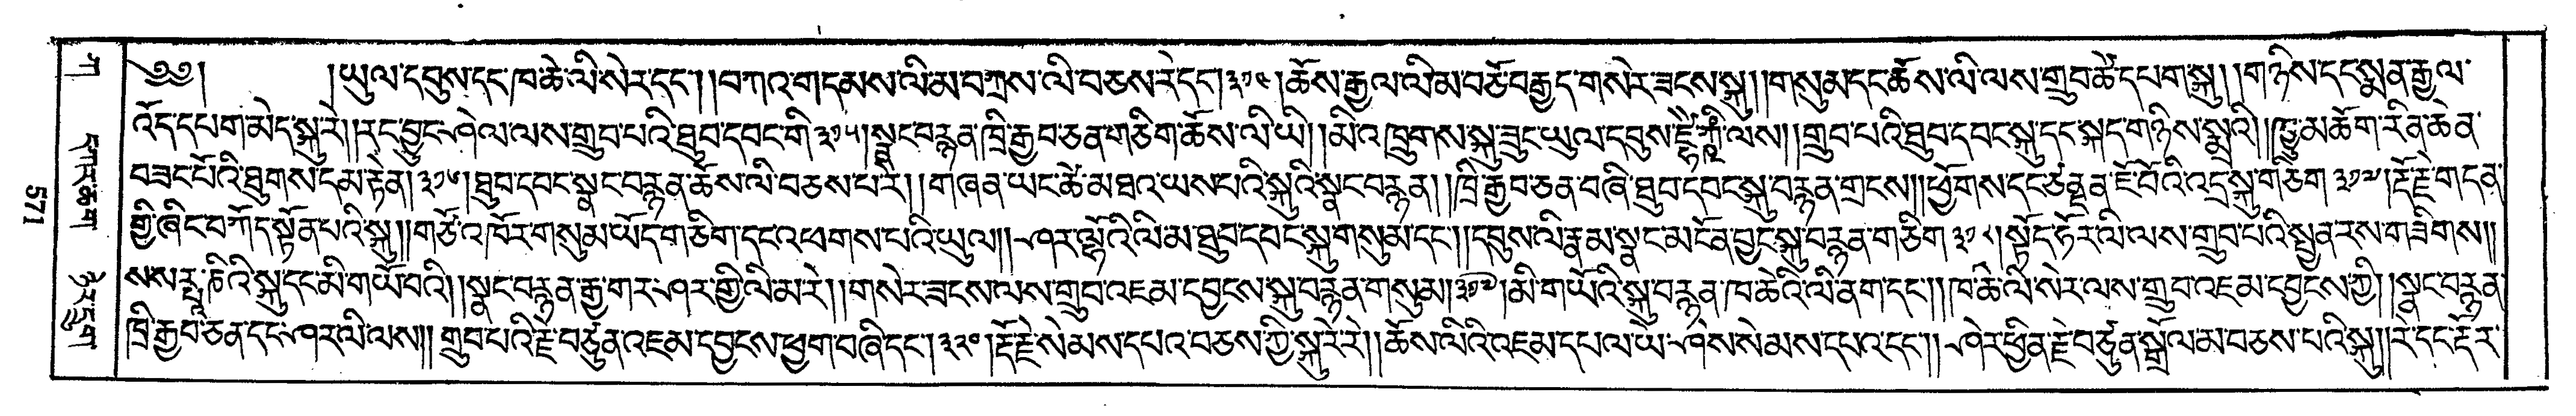༄༅། །ཡུལ་དབུས་དང་ཁ་ཆེ་ལི་སེར་དང་། །བཀའ་གདམས་ལི་མ་བཀྲས་ལི་བཅས་རེ་དང་། ༣༡༤་།ཆོས་རྒྱལ་ལི་མ་བཅོ་བརྒྱད་གསེར་ཟངས་སྐུ། །གསུམ་དང་ཆོས་ལི་ལས་གྲུབ་ཚེ་དཔག་སྐུ། །གཉིས་དང་སྨན་རྒྱལ་
འོད་དཔག་མེད་སྐུ་རེ། །རང་བྱུང་ཤེལ་ལས་གྲུབ་པའི་ཐུབ་དབང་གི ༣༡༥་།སྣང་བརྙན་ཁྲི་རྒྱབ་ཅན་གཅིག་ཆོ་ས་ལི་ཡི། །མི་འཁྲུགས་སྐུ་ཟུང་ཡུལ་དབུས་ཛྷཻ་ཀྵིཾ་ལས། །གྲུབ་པའི་ཐུབ་དབང་སྐུ་དང་སྐད་གཉིས་སྨྲའི། །ཁྱུ་མཆོག་རིན་ཆེན་
བཟང་པོའི་ཐུགས་དམ་རྟེན། ༣༡༦་།ཐུབ་དབང་སྣང་བརྙན་ཆོས་ལི་བཅས་པ་རེ། །གཞན་ཡང་ཚེ་མཐའ་ཡས་པའི་སྐུའི་སྣང་བརྙན། །ཁྲི་རྒྱབ་ཅན་བཞི་ཐུབ་དབང་སྐུ་བརྙན་གྲངས། །ཕྱོགས་དང་ཙནྡན་ཇོ་པོའི་འདྲ་སྐུ་གཅིག ༣༡༧་།རྡོ་རྗེ་གདན་
གྱི་ཞིང་བཀོད་སྟོན་པའི་སྐུ། །གཙོ་འཁོར་གསུམ་ཡོད་གཅིག་དང་འཕགས་པའི་ཡུལ། །ཤར་ལྷོའི་ལི་མ་ཐུབ་དབང་སྐུ་གསུམ་དང་། །དབུས་ལི་རྣམ་སྣང་མངོན་བྱང་སྐུ་བརྙན་གཅིག ༣༡༨་།སྟོད་ཧོར་ལི་ལས་གྲུབ་པའི་སྦྱན་རས་གཟིགས།།
ཁ་སརྤཱ་ཎིའི་སྐུ་དང་མི་གཡོ་བའི། །སྣང་བརྙན་རྒྱ་གར་ཤར་གྱི་ལི་མ་རེ། །གསེར་ཟངས་ལས་གྲུབ་འཇམ་དབྱངས་སྐུ་བརྙན་གསུམ། ༣༡༧་།མི་གཡོའི་སྐུ་བརྙན་ཁ་ཆེའི་ལི་ནག་དང་། །ཁ་ཆེ་ལི་སེར་ལས་གྲུབ་འཇམ་དབྱངས་ཀྱི། །སྣང་བརྙན་
ཁྲི་རྒྱབ་ཅན་དང་ཤར་ལི་ལས། །གྲུབ་པའི་རྗེ་བཙུན་འཇམ་དབྱངས་ཕྱག་བཞི་དང་། ༣༢༠་།རྡོ་རྗེ་སེམས་དཔའ་བཅས་ཀྱི་སྐུ་རེ་རེ། །ཆོས་ལིའི་འཇམ་དཔལ་ཡེ་ཤེས་སེམས་དཔའ་དང་། །ཤེར་ཕྱིན་རྗེ་བཙུན་སྒྲོལ་མ་བཅས་པའི་སྐུ། །རེ་དང་རྡོར་